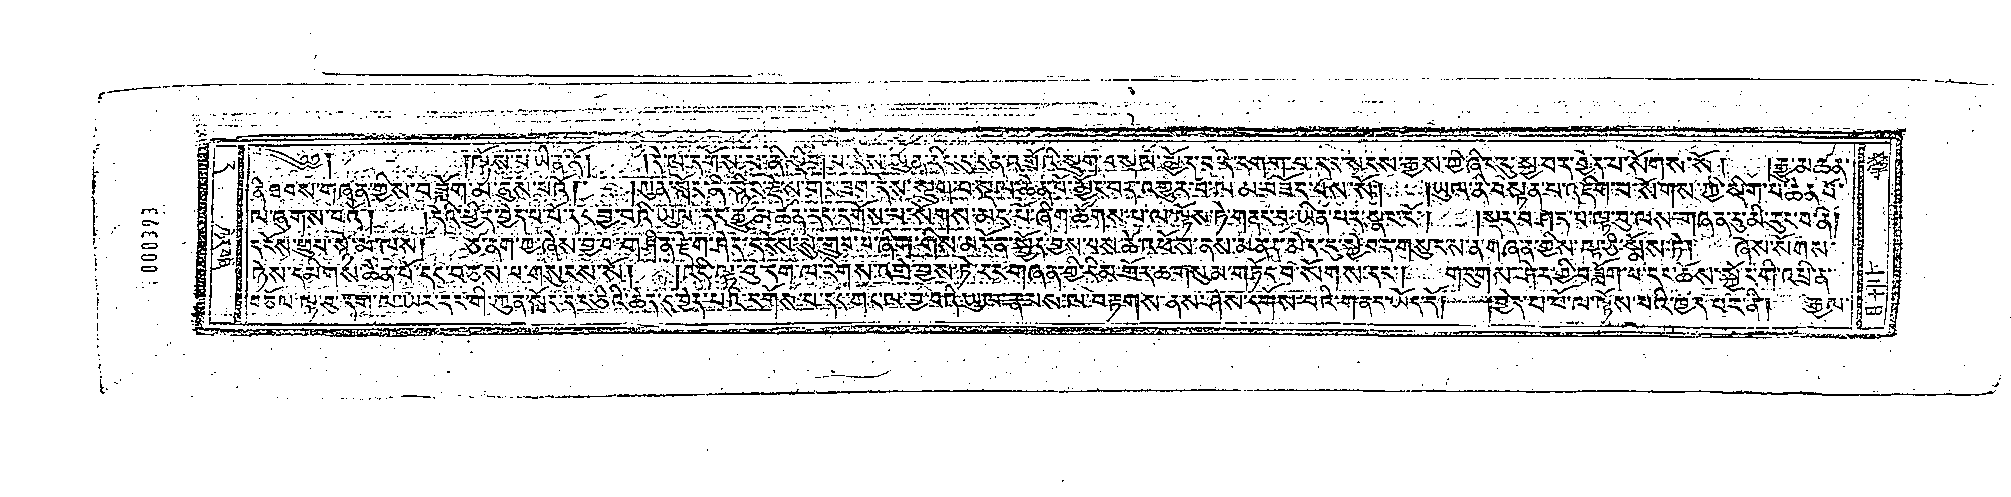༄༅། །ལྟོས་པ་ཡིན་ནོ། །དེ་ལ་དགོས་པ་ནི་སྡིག་པ་དེས་ཡུན་རིང་དུ་ངན་འགྲོའི་སྡུག་བསྔལ་མྱོང་བ་དེ་དགག་པ་དང་སངས་རྒྱས་ཀྱི་ཞིང་དུ་སྐྱེ་བར་བྱེད་པ་སོགས་སོ། །རྒྱུ་མཚན་
ནི་ཐབས་གཞན་གྱིས་བཟློག་མ་ནུས་པའོ། །ཀུན་སློང་ནི་སྙིང་རྗེས་གང་ཟག་དེས་སྡུག་བསྔལ་ཆེན་པོ་མྱོང་བར་འགྱུར་བ་ལ་མ་བཟོད་པས་སོ། །ཡུལ་ནི་བསྟན་པ་འཇིག་པ་སོགས་ཀྱི་སྡིག་པ་ཆེན་པོ་
ལ་ཞུགས་བའོ། །དེའི་ཕྱིར་བྱེད་པ་པོ་དང་བྱ་བའི་ཡུལ་དང་རྒྱུ་མཚན་དང་དགོས་པ་སོགས་མང་པོ་ཞིག་ཚོགས་པ་ལ་ལྟོས་ཏེ་གནང་བ་ཡིན་པར་སྣང་ངོ། །སྔར་བཤད་པ་ལྟ་བུ་ལས་གཞན་དུ་མི་རུང་བ་ནི།
དངོས་གྲུབ་སྙེ་མ་ལས། ཙ་ནག་ཀྱ་ཞེས་བྱ་བ་གཤིན་རྗེ་གཤེད་དངོས་སུ་གྲུབ་པ་ཞིག་གིས་མངོན་སྦྱོད་བྱས་པས་ཚེ་འཕོས་ནས་མནར་མེད་དུ་སྐྱེ་བར་གསུངས་ན་གཞན་གྱིས་ལྟ་ཅི་སྨོས་ཏེ། ཞེས་སོགས་
ཉེས་དམིགས་ཆེན་པོ་དང་བཅས་པ་གསུངས་སོ། །འདི་ལྟ་བུ་དག་ལ་རིགས་འགྲེ་བྱས་ཏེ་རང་གཞན་གྱི་རིམ་གྲོར་ཆ་གསུམ་གཏོང་བ་སོགས་དང་། གདུགས་ཤེར་གྱི་བཟློག་པ་དང་ཆོས་སྐྱོང་གི་འཕྲིན་
བཅོལ་ལྟ་བུ་ངག་ལ་ཡང་རང་གི་ཀུན་སློང་དང་ཅིའི་ཆེད་དུ་བྱེད་པའི་དགོས་པ་དང་གང་ལ་བྱ་བའི་ཡུལ་རྣམས་ལ་བརྟགས་ནས་ཤེས་དགོས་པའི་གནད་ཡོད་དོ། །བྱེད་པ་པོ་ལ་ལྟོས་པའི་ཁྱད་པར་ནི། རྒྱལ་